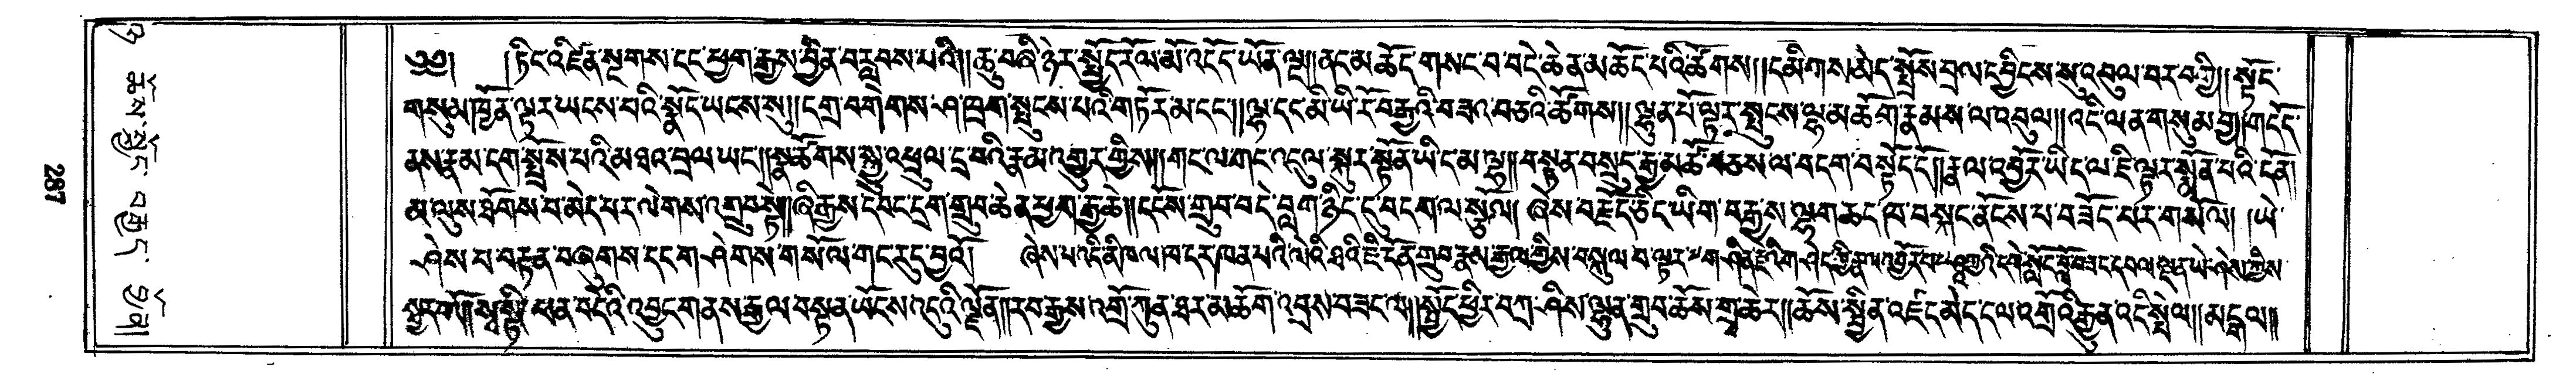༄༅། །ཏིང་འཛིན་སྔགས་དང་ཕྱག་རྒྱས་བྱིན་བརླབས་པའི། །ཆུ་བཞི་ཉེར་སྤྱོད་རོལ་མོ་འདོད་ཡོན་ལྔ། །ནང་མཆོད་གསང་བ་བདེ་ཆེན་མཆོད་པའི་ཚོགས། །དམིགས་མེད་སྤྲོས་བྲལ་དབྱིངས་སུ་འབུལ་བར་བགྱི། །སྟོང་
གསུམ་ཁྱོན་ལྟར་ཡངས་པའི་སྣོད་ཡངས་སུ། །དགྲ་བགེགས་ཤ་ཁྲག་སྤུངས་པའི་གཏོར་མ་དང་། །ལྷ་དང་མི་ཡི་རོ་བརྒྱའི་བཟའ་བཅའི་ཚོགས། །ལྷུན་པོ་ལྟར་སྤུངས་ལྷ་མཆོག་རྣམས་ལ་འབུལ། །འདི་ལན་གསུམ་བྱ། །གདོད་
ནས་རྣམ་དག་སྤྲོས་པའི་མཐའ་བྲལ་ཡང་། །སྣ་ཚོགས་སྒྱུ་འཕྲུལ་དྲ་བའི་རྣམ་འགྱུར་གྱིས། །གང་ལ་གང་འདུལ་སྐུར་སྟོན་ཡི་དམ་ལྷ། །བསྟན་བསྲུང་རྒྱ་མཚོ་བཅས་ལ་བདག་བསྟོད་དོ། །རྣལ་འབྱོར་ཡིད་ལ་ཇི་ལྟར་སྨོན་པའི་དོན།
མ་ལུས་ཐོགས་པ་མེད་པར་ལེགས་འགྲུབ་སྟེ། །ཞི་རྒྱས་དབང་དྲག་གྲུབ་ཆེན་ཕྱག་རྒྱ་ཆེ། །དངོས་གྲུབ་བདེ་བླག་ཉིད་དུ་བདག་ལ་སྩོལ། ཞེས་བརྗོད་ཅིང་ཡིག་བརྒྱས་ལྷག་ཆད་ཁ་བསྐང་ནོངས་པ་བཟོད་པར་གསོལ། །ཡེ་
ཤེས་པ་བརྟན་བཞུགས་དང་གཤེགས་གསོལ་གང་རུང་བྱའོ། ཞེས་པ་འདི་ནི་ཁལ་ཁ་དར་ཁན་པའི་ལེའི་ཐའི་ཇི་དོན་གྲུབ་རྣམ་རྒྱལ་གྱིས་བསྐུལ་བ་ལྟར་གཤིན་རྗེའི་གཤེད་ཀྱི་རྣལ་འབྱོར་བ་ཤཱཀྱའི་དགེ་སློང་བློ་བཟང་དཔལ་ལྡན་ཡེ་ཤེས་ཀྱིས་
སྦྱར་བའོ། །སྭསྟི༑ ཕན་བདེའི་འབྱུང་གནས་རྒྱལ་བསྟན་ཡོངས་འདུའི་ལྗོན། །རབ་རྒྱས་འགྲོ་ཀུན་ཐར་མཆོག་འབྲས་བཟང་ལ། །སྤྱོད་ཕྱིར་བཀྲ་ཤིས་ལྷུན་གྲུབ་ཆོས་གྲྭ་ཆེར། །ཆོས་སྦྱིན་འཛད་མེད་དལ་འགྲོའི་རྒྱུན་འདི་སྤེལ། །མངྒ་ལ། །༄༅འདོད་ཁམས་བདག་མོ་རེ་མ་ཏཱི།། ༄༅། །གནོད་སྦྱིན་བེཀྩེ་ལྕམ་དྲལ་ཆེ།།